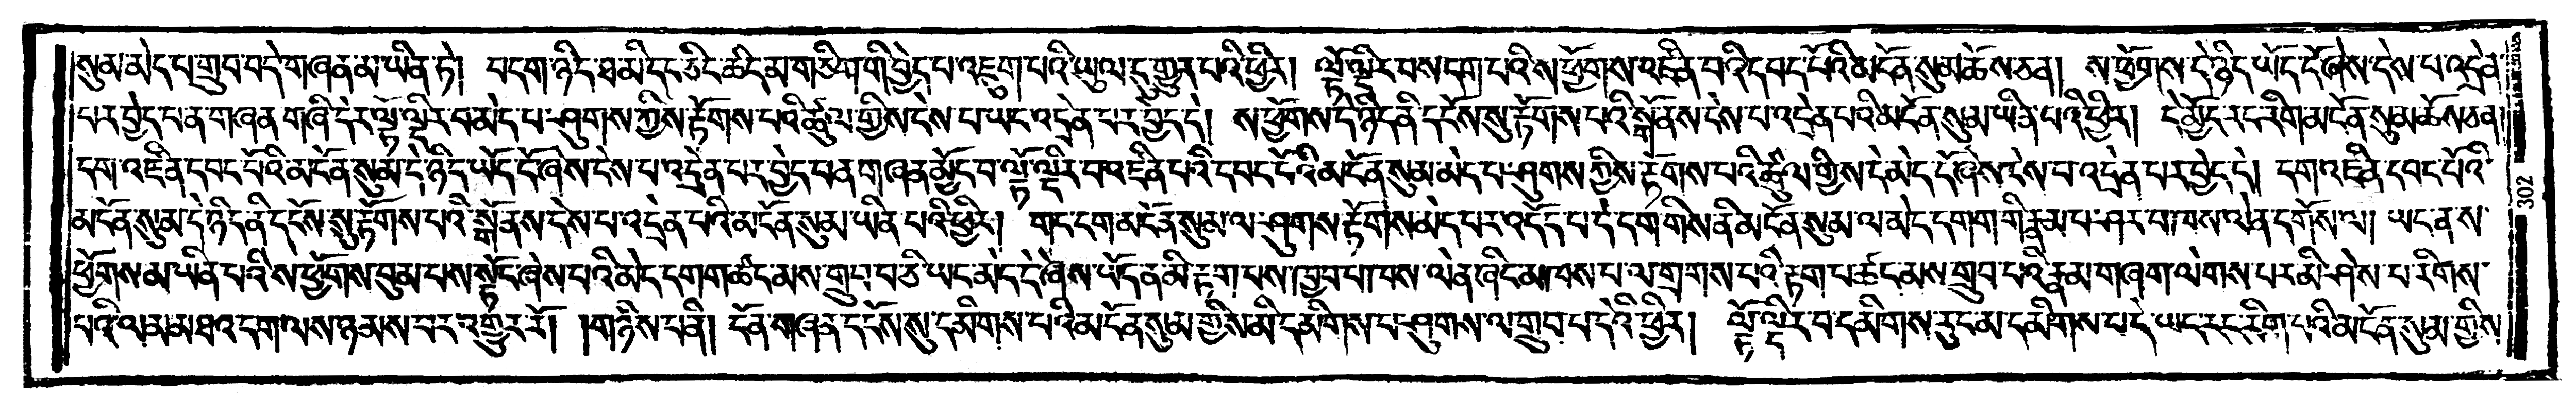སུམ་མེད་པ་གྲུབ་བདེ་གཞན་མ་ཡིན་ཏེ། བདག་ཉིད་ཐ་མི་དང་ཅིང་ཚད་མ་གཅིག་གི་བྱེད་པ་འཇུག་པའི་ཡུལ་དུ་གྱུར་པའི་ཕྱིར། ལྟོ་ལྡིར་བས་དག་པའི་ས་ཕྱོགས་འཛིན་པའི་དབང་པོའི་མངོན་སུམ་ཆོས་ཅན། ས་ཕྱོགས་དེ་ཉིད་ཡོད་དོ་ཞེས་དེས་པ་འདྲེན་
པར་བྱེད་པ་ན་གཞན་གཞི་དེར་ལྟོ་ལྡིར་བ་མེད་པ་ཤུགས་ཀྱིས་རྟོགས་པའི་ཚུལ་གྱིས་ངེས་པ་ཡང་འདྲེན་པར་བྱེད་དེ། ས་ཕྱོགས་དེ་ཉིད་ནི་དངོས་སུ་རྟོགས་པའི་སྒོ་ནས་ངེས་པ་འདྲེན་པའི་མངོན་སུམ་ཡིན་པའི་ཕྱིར། དེ་མྱོང་རང་རིག་མངོན་སུམ་ཆོས་ཅན།
དག་འཛིན་དབང་པོའི་མངོན་སུམ་དེ་ཉིད་ཡོད་དོ་ཞེས་ངེས་པ་འདྲེན་པར་བྱེད་པ་ན་གཞན་མྱོང་བ་ལྟོ་ལྡིར་བ་འཛིན་པའི་དབང་པོའོ་མངོན་སུམ་མེད་པ་ཤུགས་ཀྱིས་རྟོགས་པའི་ཚུལ་གྱིས་དེ་མེད་དོ་ཞེས་ངེས་པ་འདྲེན་པར་བྱེད་དེ། དག་འཛིན་དབང་པོའི་
མངོན་སུམ་དེ་ཉིད་ནི་དངོས་སུ་རྟོགས་པའི་སྒོ་ནས་དེས་པ་འདྲེན་པའི་མངོན་སུམ་ཡིན་པའི་ཕྱིར། གང་དག་མངོན་སུམ་ལ་ཤུགས་རྟོགས་མེད་པར་འདོད་པ་དེ་དག་གིས་ནི་མངོན་སུམ་ལ་མེད་དགག་གི་རྣམ་པ་ཤར་བ་ཁས་ལེན་དགོས་ལ། ཡང་ན་ས་
ཕྱོགས་མ་ཡིན་པའི་ས་ཕྱོགས་སུམ་པས་སྟོང་ཞེས་པའི་མེད་དགག་ཚད་མས་གྲུབ་པ་ཅི་ཡང་མེད་དེ་ཞེས་ཡོད་ན་མི་རྟག་པས་ཁྱབ་པ་ཁས་ལེན་ཞིང་མཁས་པ་ལ་གྲགས་པའི་རྟག་པ་ཚང་མས་གྲུབ་པའི་རྣམ་གཞན་ལེགས་པར་མི་ཤེས་པ་རིགས་
པའི་ལམ་མཐའ་དག་ལས་ཉམས་པར་འགྱུར་རོ། །གཉིས་པ་ནི། དོན་གཞན་དངོས་སུ་དམིགས་པའི་མངོན་སུམ་གྱིས་མི་དམིགས་པ་ཤུགས་ལ་གྲུབ་པ་དེའི་ཕྱིར། ལྟོ་ལྡེ་བ་དམིགས་རུང་མ་དམིགས་པ་དེ་ཡང་རང་རིག་པའི་མངོན་སུམ་གྱིས་